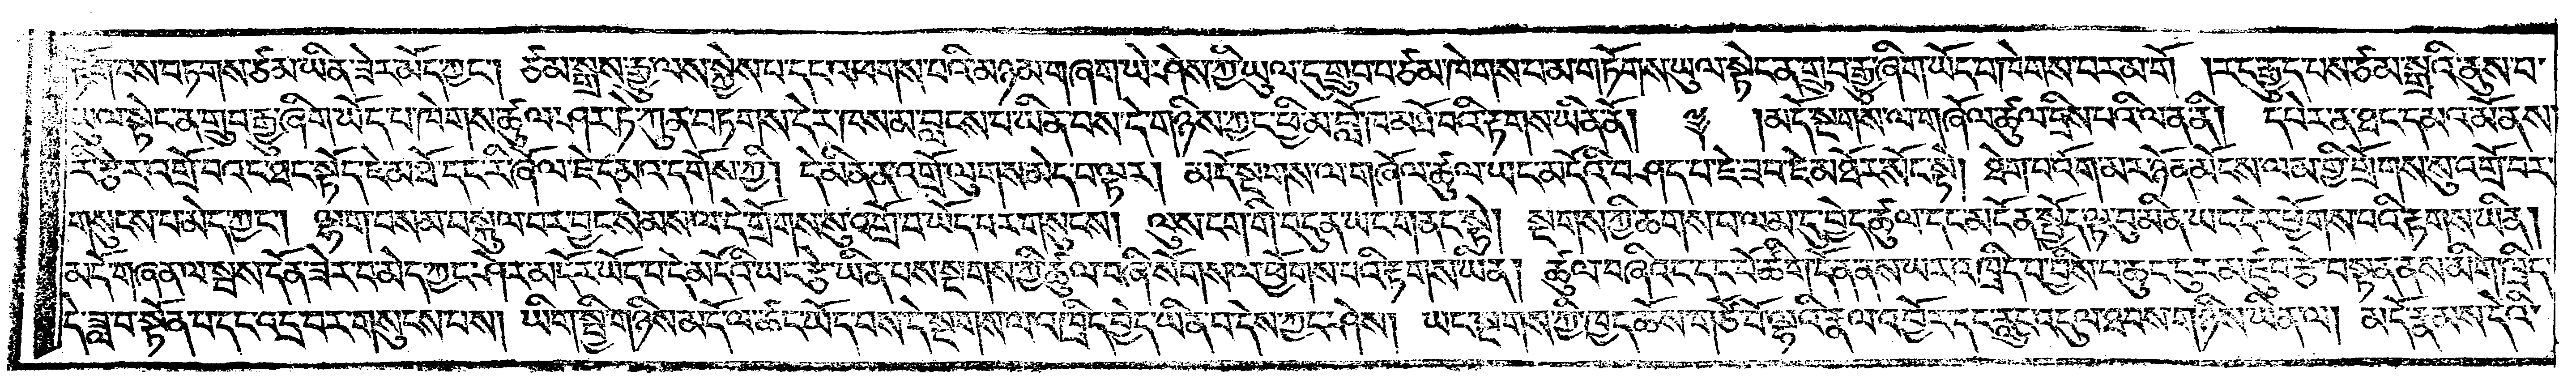རྟོག་པས་བཏགས་ཙམ་ཡིན་ཟེར་མོད་ཀྱང་། ཙམ་སྒྲས་རྒྱུ་ལས་སྐྱེས་པ་དང་འཕགས་པའི་མཉམ་གཞག་ཡེ་ཤེས་ཀྱི་ཡུལ་དུ་གྲུབ་པ་ཙམ་ཁེགས་པ་མ་གཏོགས་ཡུལ་སྟེང་ན་གྲུབ་རྒྱུ་ཞིག་ཡོད་པ་ཁེགས་པར་མགོ །རང་རྒྱུད་པས་ཙམ་སྒྲའི་ནུས་པ་
ཡུལ་སྟེང་ན་གྲུབ་རྒྱུ་ཞིག་ཡོད་པ་ཁེགས་ཚུལ་ཤར་ཏེ་ཀུན་བཏགས་དེར་ཁས་མ་བླངས་པ་ཡིན་པས་དེ་གཉིས་ཀྱང་ཕྱི་མ་བློ་ཁ་མཐོ་བའི་རྟགས་ཡིན་ནོ། ༈ །མདོ་སྔགས་ལ་གཞོལ་ཚུལ་དྲིས་པའི་ལན་ནི། དཔེར་ན་ཐང་དམའ་མོ་ནས་
རི་རྩེར་འགྲོ་བའང་ཐང་སྟོད་ཇེ་མཐོ་དང་རི་ཞོལ་ཇེ་དམའ་དགོས་ཀྱི། དེ་མིན་ན་འགྲོ་ལུགས་མེད་པ་ལྟར། མདོ་སྔགས་ལ་གཞོལ་ཚུལ་ཡང་མདོའི་བཤད་པ་ཇེ་ཟབ་ཇེ་མཐོར་སོང་སྟེ། ཐེག་པ་འོག་མར་ཉོན་མོངས་ལམ་གྱི་གྲོགས་སུ་འགྲོ་བར་
གསུངས་པ་མེད་ཀྱང་། ལྷག་བསམ་བསྐུལ་བར་བྱང་སེམས་ལ་དེ་གྲོགས་སུ་འགྲོ་བ་ཡོད་པར་གསུངས། ལུས་ངག་གི་བདུན་ཡང་གནང་སྟེ། སྔགས་ཀྱི་ཆགས་པ་ལམ་དུ་བྱེད་ཚུལ་དང་མངོན་སྤྱོད་ལྟ་བུ་མིན་ཡང་དེར་ཕྱོགས་པའི་རྟགས་ཡིན།
མདོ་གཞན་ལ་སྦས་དོན་ཟེར་བ་མེད་ཀྱང་ཤེར་མདོར་ཡོད་པ་དེ་མདོའི་ཡང་རྩེ་ཡིན་པས་སྔགས་ཀྱི་ཚུལ་བཞི་སོགས་ལ་ཕྱོགས་པའི་རྟགས་ཡིན། ཚུལ་བཞིའང་དང་པོ་ཚིག་དོན་ནས་ཡར་འཁྲིད་པ་བྱིས་པ་ཆུང་ངུར་མཛུབ་རྩེ་བསྟན་ནས་མིག་ཁྲིད་
དེ་ཟླ་བ་སྟོན་པ་དང་འདྲ་བར་གསུངས་པས། ཡིག་སྤྱི་གཉིས་མདོ་ལ་ཚང་ཡོད་པས་དེ་སྔགས་ལ་འཁྲིད་བྱེད་ཡིན་པ་དེས་ཀྱང་ཤེས། ཡང་སྔགས་ཀྱི་ཁྱད་ཆོས་གཙོ་བོ་ལྷའི་རྣལ་འབྱོར་དང་རླུང་འདུལ་ཐབས་གཉིས་ཡིན་ལ། མདོ་རྣམས་དེའི་